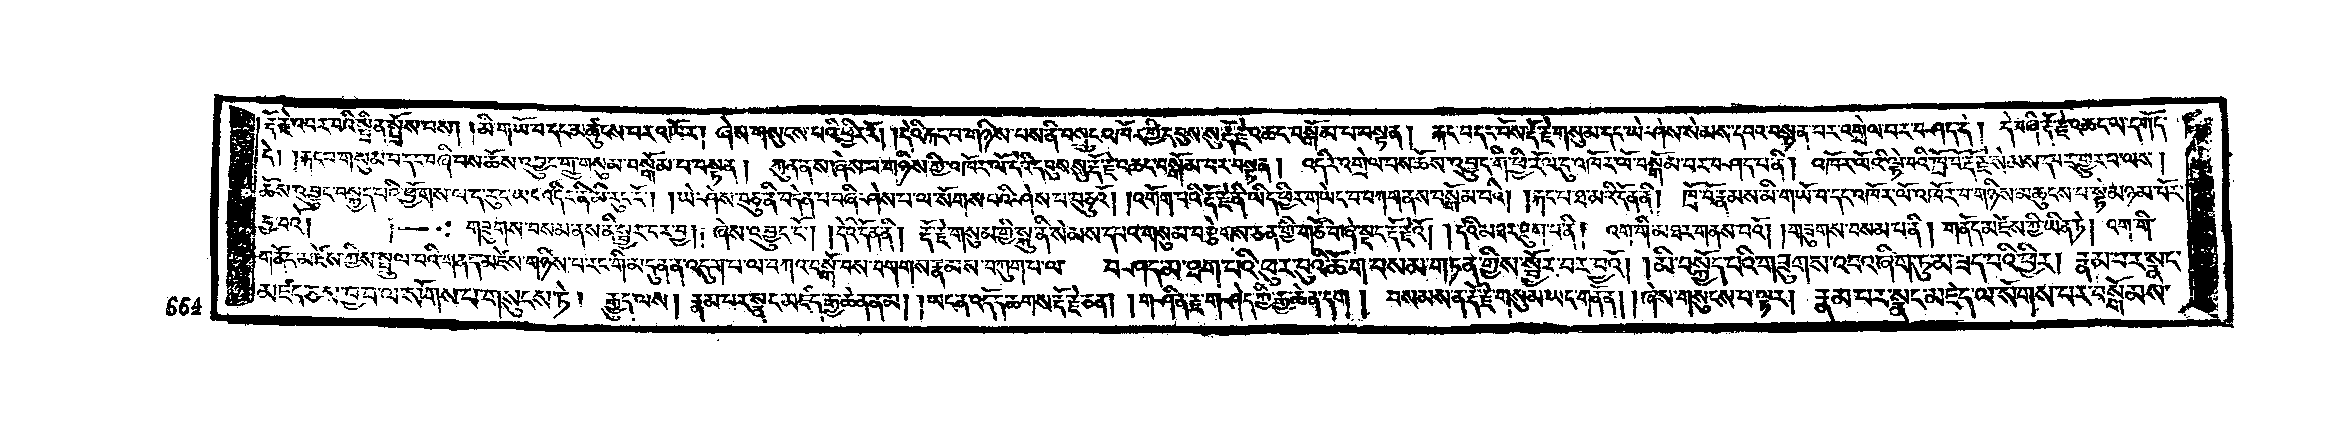རྡོ་རྗེ་འབར་བའི་སྤྲིན་སྤྲོས་པས། །མི་གཡོ་བ་དང་མཚུངས་པར་འཁོར། ཞེས་གསུངས་པའི་ཕྱིར་རོ། །དེའི་རྐང་པ་གཉིས་པས་ནི་བསྲུང་འཁོར་གྱི་དབུས་སུ་རྡོ་རྗེ་འཆང་བསྒོམ་པ་བསྟན། རྐང་པ་དང་པོས་རྡོ་རྗེ་གསུམ་དང་ཡེ་ཤེས་སེམས་དཔའ་བསྟན་པར་འགྲེལ་པར་བཤད་དེ། དེ་བཞི་རྡོ་རྗེ་འཆང་ལ་དགོད་དོ། །རྐང་པ་གསུམ་པ་དང་བཞི་པས་ཆོས་འབྱུང་ཁྲུ་གསུམ་བསྒོམ་པ་བསྟན། ཀུན་ནས་ཞེས་པ་གཉིས་ཀྱི་འཁོར་ལོ་དེའི་དབུས་སུ་རྡོ་རྗེ་འཆང་བསྒོམ་པར་བསྟན། འདིར་འགྲེལ་པས་ཆོས་འབྱུང་གི་ཕྱི་རོལ་དུ་འཁོར་ལོ་བསྒོམ་པར་བཤད་པ་ནི། འཁོར་ལོའི་ལྟེ་བའི་ཁྲོ་བོ་རྡོ་རྗེ་སེམས་དཔར་གྱུར་པ་ལས།
ཆོས་འབྱུང་བསྐྱེད་པའི་ཕྱོགས་ལ་ད་རུང་ཡང་འདིར་ནི་མི་རུང་ངོ། །ཡེ་ཤེས་བཅུ་ནི་བདེན་པ་བཞི་ཤེས་པ་ལ་སོགས་པའི་ཤེས་པ་བཅུའོ། །འགོག་པའི་རྡོ་རྗེ་ནི་ཡིད་ཕྱིར་གཡེང་བ་བཀག་ནས་བསྒོམ་པའི། །རྐང་པ་ཐ་མའི་དོན་ནི། ཁྲོ་བོ་རྣམས་མི་གཡོ་བ་དང་འཁོར་ལོ་འཁོར་བ་གཉིས་མཚུངས་པ་སྟེ་མཉམ་པོར་
བྱ་བའོ?། །.H གཟུགས་བསམ་ནས་ནི་སྦྱར་བར་བྱ། །ཞེས་འབྱུང་ངོ། །དེའི་དོན་ནི། རྡོ་རྗེ་གསུམ་གྱི་སྐུ་ནི་སེམས་དཔའ་གསུམ་བརྩེགས་ཅན་གྱི་གཙོ་བོ་ཞེ་སྡང་རྡོ་རྗེའོ། །དེའི་མཐར་ཐུག་པ་ནི། འོག་གི་མཐར་གནས་པའོ། །གཟུགས་བསམ་པ་ནི། གནོད་མཛེས་ཀྱི་ཡིན་ཏེ། འོག་གི་
གནོད་མཛེས་ཀྱིས་སྤྲུལ་པའི་གནད་མཛེས་གཉིས་པ་རང་གི་མདུན་ན་འདུག་པ་ལ་བཀའ་བསྒོ་བས་བགེགས་རྣམས་བཀུག་པ་ལ་བཤད་མ་ཐག་པའི་ཕུར་བུའི་ཆོ་ག་བསམ་གཏན་གྱིས་སྦྱོར་བར་བྱའོ། །མི་བསྐྱོད་པའི་གཟུགས་འབའ་ཞིག་ཏུ་མ་ཟད་པའི་ཕྱིར། རྣམ་པར་སྣང་
མཛད་ཅེས་བྱ་བ་ལ་སོགས་པ་གསུངས་ཏེ། རྒྱུད་ལས། རྣམ་པར་སྣང་མཛད་རྒྱ་ཆེན་ནམ། །ཡང་ན་འདོད་ཆགས་རྡོ་རྗེ་ཅན། །གཤིན་རྗེ་གཤེད་ཀྱི་རྒྱ་ཆེན་དག། བསམས་ན་རྡོ་རྗེ་གསུམ་ཡང་གནོན། །ཞེས་གསུངས་པ་ལྟར། རྣམ་པར་སྣང་མཛད་ལ་སོགས་པར་བསྒོམས་